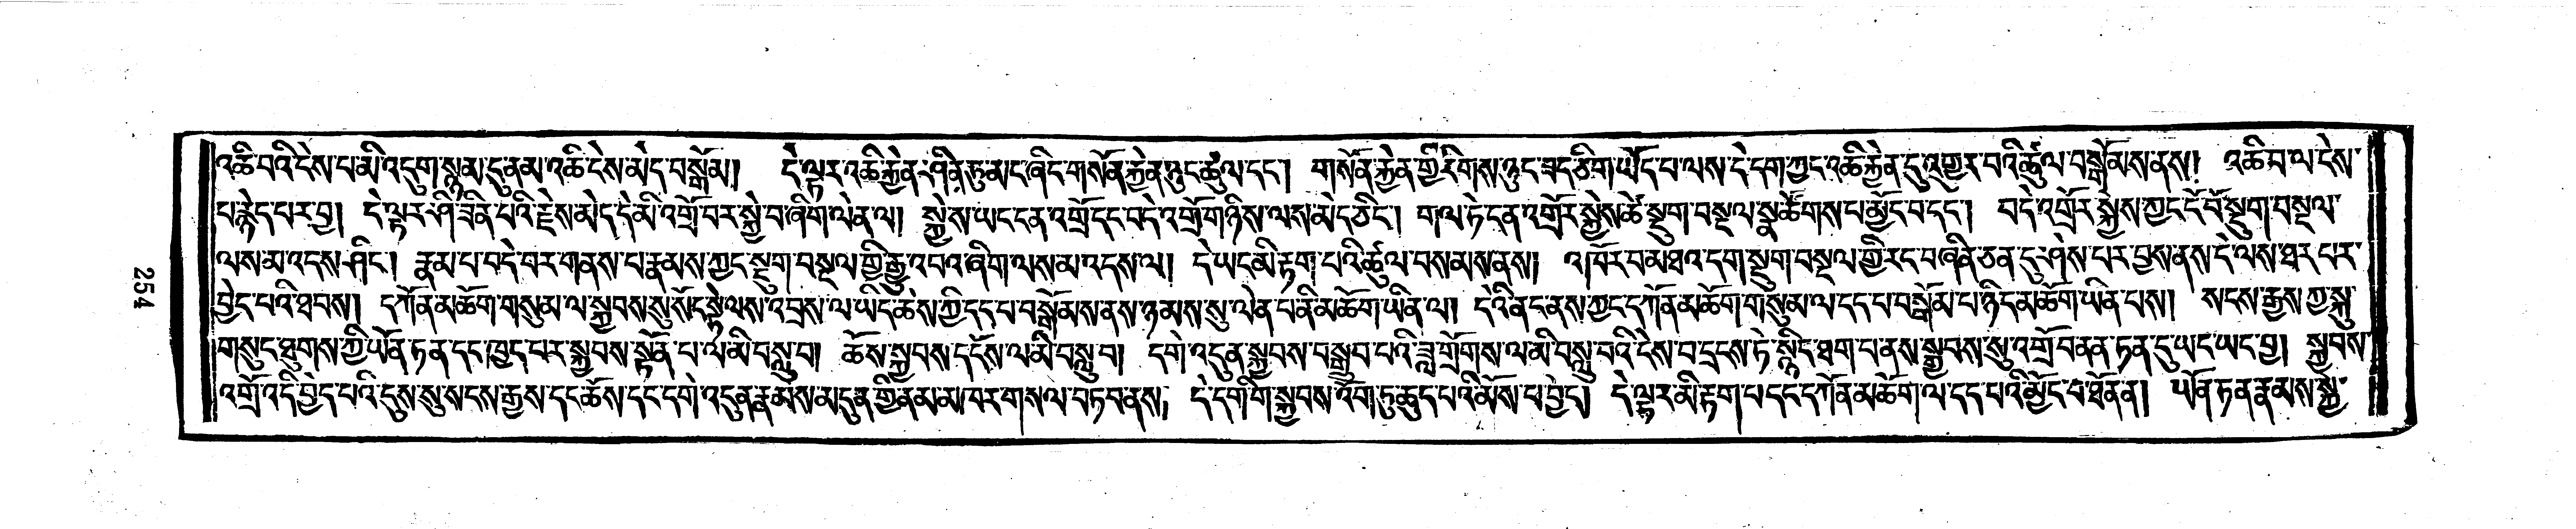འཆི་བའི་ངེས་པ་མི་འདུག་སྙམ་དུ་ནམ་འཆི་ངེས་མེད་བསྒོམ། དེ་ལྟར་འཆི་རྐྱེན་ཤིན་ཏུ་མང་ཞིང་གསོན་རྐྱེན་ཉུང་ཚུལ་དང་། གསོན་རྐྱེན་གྱི་རིགས་ཉུང་ཟད་ཅིག་ཡོད་པ་ལས་དེ་དག་ཀྱང་འཆི་རྐྱེན་དུ་འགྱུར་བའི་ཚུལ་བསྒོམས་ནས། འཆི་བ་ལ་ངེས་
པ་རྙེད་པར་བྱ། དེ་ལྟར་ཤི་ཟིན་པའི་རྗེས་མེད་དེ་མི་འགྲོ་བར་སྐྱེ་བ་ཞིག་ལེན་ལ། སྐྱེ་ས་ཡང་ངན་འགྲོ་དང་བདེ་འགྲོ་གཉིས་ལས་མེད་ཅིང་། གལ་ཏེ་ངན་འགྲོར་སྐྱེས་ཚེ་སྡུག་བསྔལ་སྣ་ཚོགས་པ་མྱོང་བ་དང་། བདེ་འགྲོར་སྐྱེས་ཀྱང་ངོ་བོ་སྡུག་བསྔལ་
ལས་མ་འདས་ཤིང་། རྣམ་པ་བདེ་བར་གནས་པ་རྣམས་ཀྱང་སྡུག་བསྔལ་གྱི་རྒྱུ་འབའ་ཞིག་ལས་མ་འདས་ལ། དེ་ཡང་མི་རྟག་པའི་ཚུལ་བསམས་ནས། འཁོར་བ་མཐའ་དག་སྡུག་བསྔལ་གྱི་རང་བཞིན་ཅན་དུ་ཤེས་པར་བྱས་ནས་དེ་ལས་ཐར་པར་
བྱེད་པའི་ཐབས། དཀོན་མཆོག་གསུམ་ལ་སྐྱབས་སུ་སོང་སྟེ་ལས་འབྲས་ལ་ཡིད་ཆེས་ཀྱི་དད་པ་བསྒོམས་ནས་ཉམས་སུ་ལེན་པ་ནི་མཆོག་ཡིན་ལ། དེའི་ནང་ནས་ཀྱང་དཀོན་མཆོག་གསུམ་ལ་དད་པ་བསྒོམ་པ་ཉིད་མཆོག་ཡིན་པས། སངས་རྒྱས་ཀྱ་སྐུ་
གསུང་ཐུགས་ཀྱི་ཡོན་ཏན་དང་ཁྱད་པར་སྐྱབས་སྟོན་པ་ལ་མི་བསླུ་བ། ཆོས་སྐྱབས་དངོས་ལ་མི་བསླུ་བ། དགེ་འདུན་སྐྱབས་བསྒྲུབ་པའི་ཟླ་གྲོགས་ལ་མི་བསླུ་བའི་ངེས་བ་དྲངས་ཏེ་སྙིང་ཐག་པ་ནས་སྐྱབས་སུ་འགྲོ་བ་ནན་ཏན་དུ་ཡང་ཡང་བྱ། སྐྱབས་
འགྲོ་འདི་བྱེད་པའི་དུས་སུ་སངས་རྒྱས་དང་ཆོས་དང་དགེ་འདུན་རྣམས་མདུན་གྱི་ནམ་མཁར་གསལ་བཏབ་ནས། དེ་དག་གི་སྐྱབས་འོག་ཏུ་ཆུད་པའི་མོས་པ་བྱེད། དེ་ལྟར་མི་རྟག་པ་དང་དཀོན་མཆོག་ལ་དད་པའི་མྱོང་བ་ཐོན་ན། ཡོན་ཏན་རྣམས་སྐྱེ་